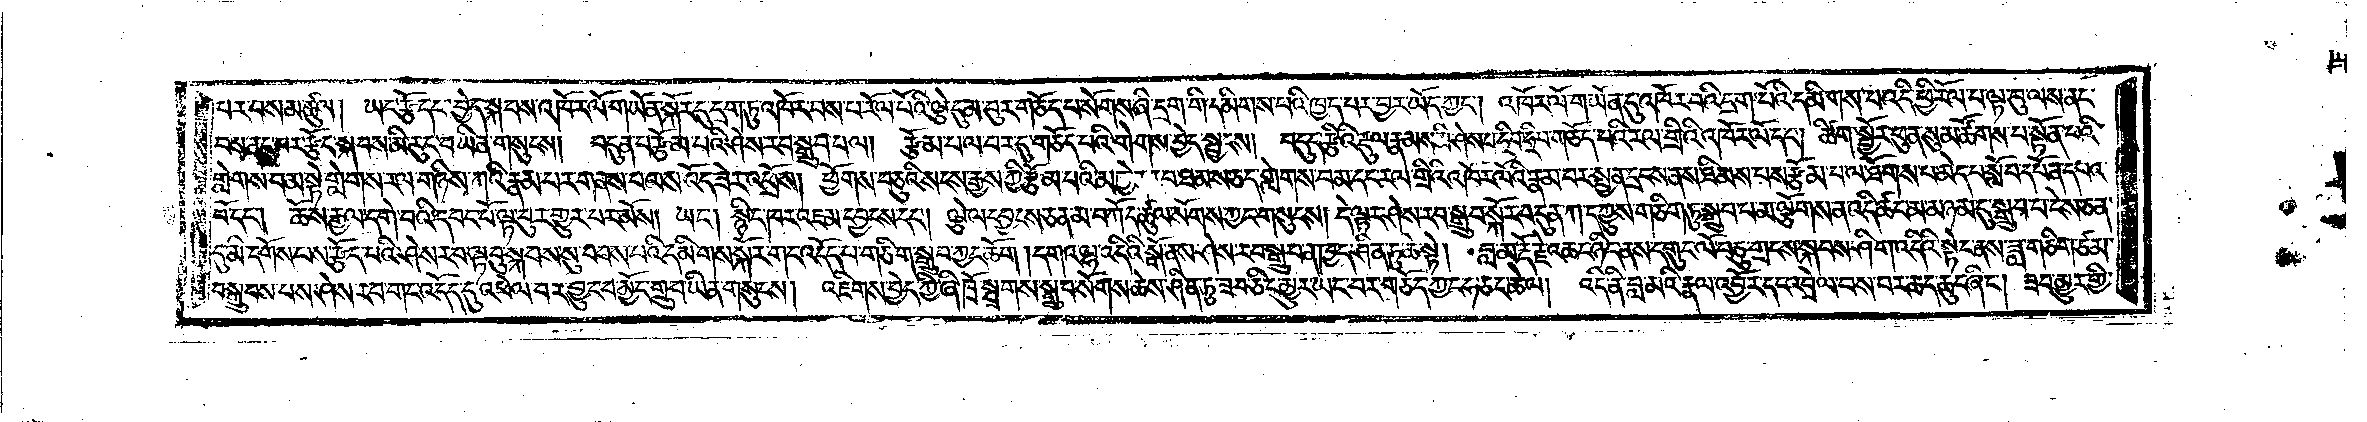པར་བས་མཚུལ། ཡང་རྩོད་པ་བྱེད་སྐབས་འཁོར་ལོ་གཡོན་སྐོར་དུ་དྲག་ཏུ་འཁོར་བས་ཕ་རོལ་པོའི་ལྕེ་དུ་མ་བུར་གཅོད་པ་སོགས་ཞི་དྲག་གི་དམིགས་པའི་ཁྱད་པར་བྱར་ཡོད་ཀྱང་། འཁོར་ལོ་གཡོན་དུ་འཁོར་བའི་དྲག་པོའི་དམིགས་པ་འདི་ཕྱི་རོལ་པ་ལྟ་བུ་ལས་ནང་
བས་ནང་པར་རྩོད་སྐབས་མི་རུང་བ་ཡིན་གསུངས། བདུན་པ་རྩོམ་པའི་ཤེས་རབ་སྒྲུབ་པ་ལ། རྩོམ་པ་ལ་བར་དུ་གཅོད་པའི་གེགས་བྱེད་སྦྱངས། བདུད་རྩིའི་རྡུལ་རྣམས་མི་ཤེས་པ་ཧྲིབ་ཧྲིབ་གཅོད་པའི་རལ་གྲིའི་འཁོར་ལོ་དང་། ཚིག་སྦྱོར་ཕུན་སུམ་ཚོགས་པ་སྟོན་པའི་
གླེགས་བམ་སྟེ་གླེགས་རལ་གཉིས་ཀའི་རྣམ་པར་གནས་པ་ལས་འོད་ཟེར་འཕྲོས། ཕྱོགས་བཅུའི་སངས་རྒྱས་ཀྱི་རྩོམ་པའི་མཁྱེན་རབ་ཐམས་ཅད་གླེགས་བམ་དང་རལ་གྲིའི་འཁོར་ལོའི་རྣམ་པར་སྤྱན་དྲངས་ནས་ཐིམས་པས་རྩོམ་པ་ལ་ཐོགས་པ་མེད་པ་སློབ་དཔོན་དཔའ་
བོ་དང་། ཆོས་རྒྱལ་དགེ་བའི་དབང་པོ་ལྟ་བུར་གྱུར་བར་མོས། ཡང་། སྙིང་ཁར་འཇམ་དབྱངས་དང་། ལྕེ་ལ་དབྱངས་ཅན་མ་བཀོད་ཚུལ་སོགས་ཀྱང་གསུངས། དེ་ལྟར་ཤེས་རབ་སྒྲུབ་སྐོར་བདུན་ཀ་དཀྱུས་གཅིག་ཏུ་སྒྲུབ་པ་མ་ལྕོགས་ན་འདི་ཚང་མ་མཉམ་དུ་སྒྲུབ་པ་ངེས་ཅན་
དུ་མི་དགོས་པས་རྩོད་པའི་ཤེས་རབ་ལྟ་བུ་སྐབས་སུ་བབས་པའི་དམིགས་སྐོར་གང་འདོད་པ་གཅིག་སྒྲུབ་ཀྱང་ཆོག །དགའ་ལྷ་འདིའི་སྒོ་ནས་ཤེས་རབ་སྒྲུབ་ན་ཁྱད་ཤིན་ཏུ་ཆེ་སྟེ། བླ་མ་རྡོ་རྗེ་འཆང་ཉིད་ནས་དགུང་ལོ་བཅུ་གྲངས་སྐབས་ཤིག་འདིའི་སྟེང་ནས་ཟླ་གཅིག་ཙམ་
བསྒྲུབས་པས་ཤེས་རབ་གང་འདོད་དུ་འཕེལ་བར་བྱུང་བ་མྱོང་གྲུབ་ཡིན་གསུངས། འཇིགས་བྱེད་ཀྱི་ཞི་ཁྲོ་སྦྲགས་སྒྲུབ་སོགས་ཆེས་ཤིན་ཏུ་ཟབ་ཅིང་མྱུར་ཡང་བར་གཅོད་ཀྱང་ཧ་ཅང་ཆེ་ལ། འདི་ནི་བླ་མའི་རྣལ་འབྱོར་དང་འབྲེལ་བས་བར་ཆད་ཆུང་ཞིང་། ཟབ་མྱུར་གྱི་